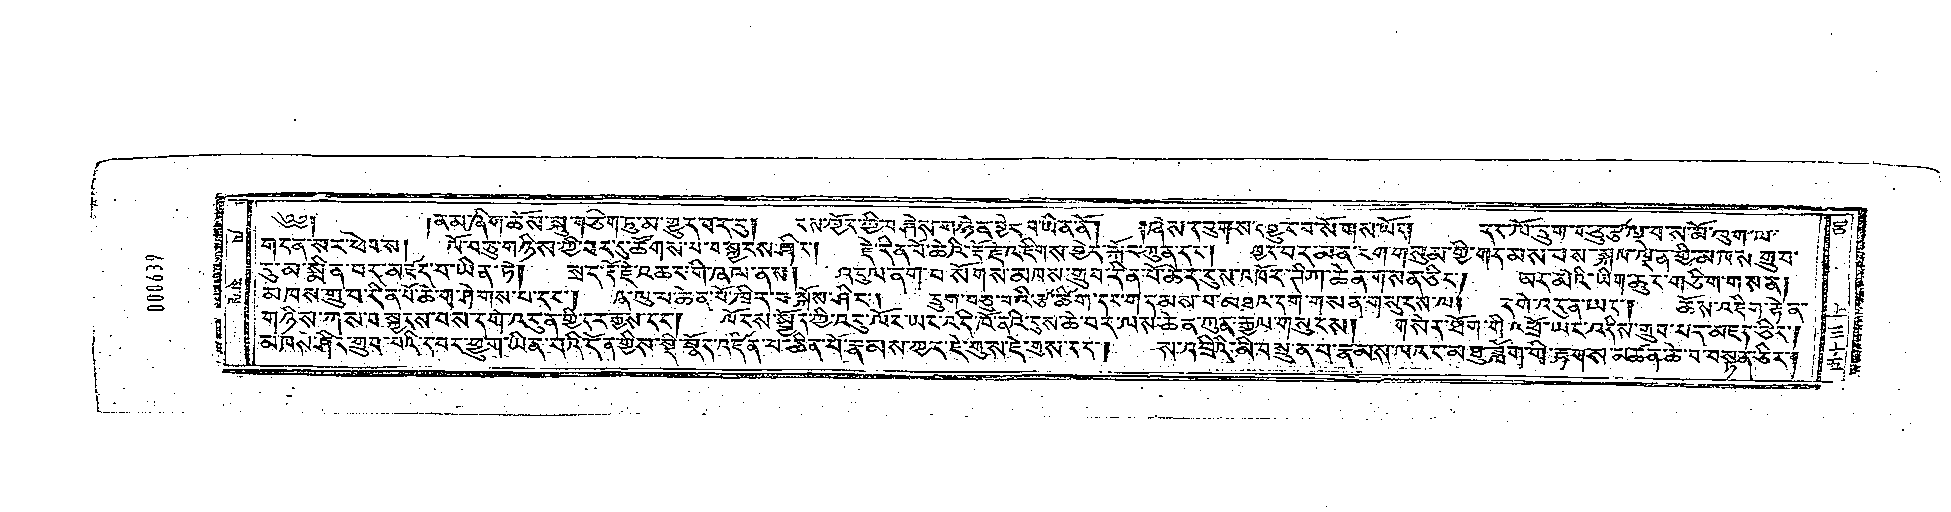༄༅། །ནམ་ཞིག་ཆོས་སྐུ་གཅིག་ཏུ་མ་གྱུར་བར་དུ། ངས་ཁྱོད་ཀྱི་བཤེས་གཉེན་བྱེད་པ་ཡིན་ནོ། །ཞེས་དབུགས་དབྱུང་བ་སོགས་ཡོད། རང་ལོ་དྲུག་བཅུ་རྩ་ལྔ་པ་ས་མོ་ལུག་ལ་
གདན་སར་ཕེབས། ལོ་བཅུ་གཉིས་ཀྱི་བར་དུ་ཚོགས་པ་བསྐྱངས་ཤིང་། རྗེ་རིན་པོ་ཆེའི་རྡོ་རྗེ་འཇིགས་བྱེད་སྐོར་ཀུན་དང་། ཁྱད་བར་མན་ངག་གསུམ་གྱི་གདམས་པས་སྐལ་ལྡན་གྱི་མཁས་གྲུབ་
དུ་མ་སྨིན་བར་མཛད་པ་ཡིན་ཏེ། སྲད་རྡོ་རྗེ་འཆང་གི་ཞལ་ནས། འདུལ་ནག་པ་སོགས་མཁས་གྲུབ་རིན་པོ་ཆེར་དུས་འཁོར་ཊིཀ་ཆེན་གསན་ཅིང་། མར་མེའི་ཡིག་ཆུང་གཅིག་གསན།
མཁས་གྲུབ་རིན་པོ་ཆེ་གཤེགས་པ་དང་། ཞ་ལུ་པ་ཆེན་པོ་ཁྲིར་བསྐོས་ཤིང་། དྲུག་བཅུ་པའི་རྩ་ཚིག་དང་གདམས་པ་མཐའ་དག་གསན་གསུངས་ལ། དགེ་འདུན་ཡང་། ཆོས་འཇིག་རྟེན་
གཉིས་ཀས་བསྐྱངས་པས་དགེ་འདུན་གྱི་དར་རྒྱས་དང་། ལོངས་སྤྱོད་ཀྱི་འདུ་ལོང་ཡང་འདི་ཁོ་ནའི་དུས་ཆེ་བར་ལས་ཆེན་ཀུན་རྒྱལ་གསུངས། གསེར་ཐོག་གི་འཕྲོ་ཡང་འདིས་གྲུབ་པར་མཛད་ཅིང་།
མཁས་ཤིང་གྲུབ་པའི་དབང་ཕྱུག་ཡིན་པའི་དོན་གྱིས་སྡི་སྣོད་འཛིན་པ་ཆེན་པོ་རྣམས་ཀྱང་ཇེ་གུས་ཇེ་གུས་དང་། ས་འབྲིའི་མི་བསྲུན་པ་རྣམས་ལའང་མཐུ་ཟློག་གི་རྟགས་མཚན་ཆེ་བ་བསྟན་ཅིང་།